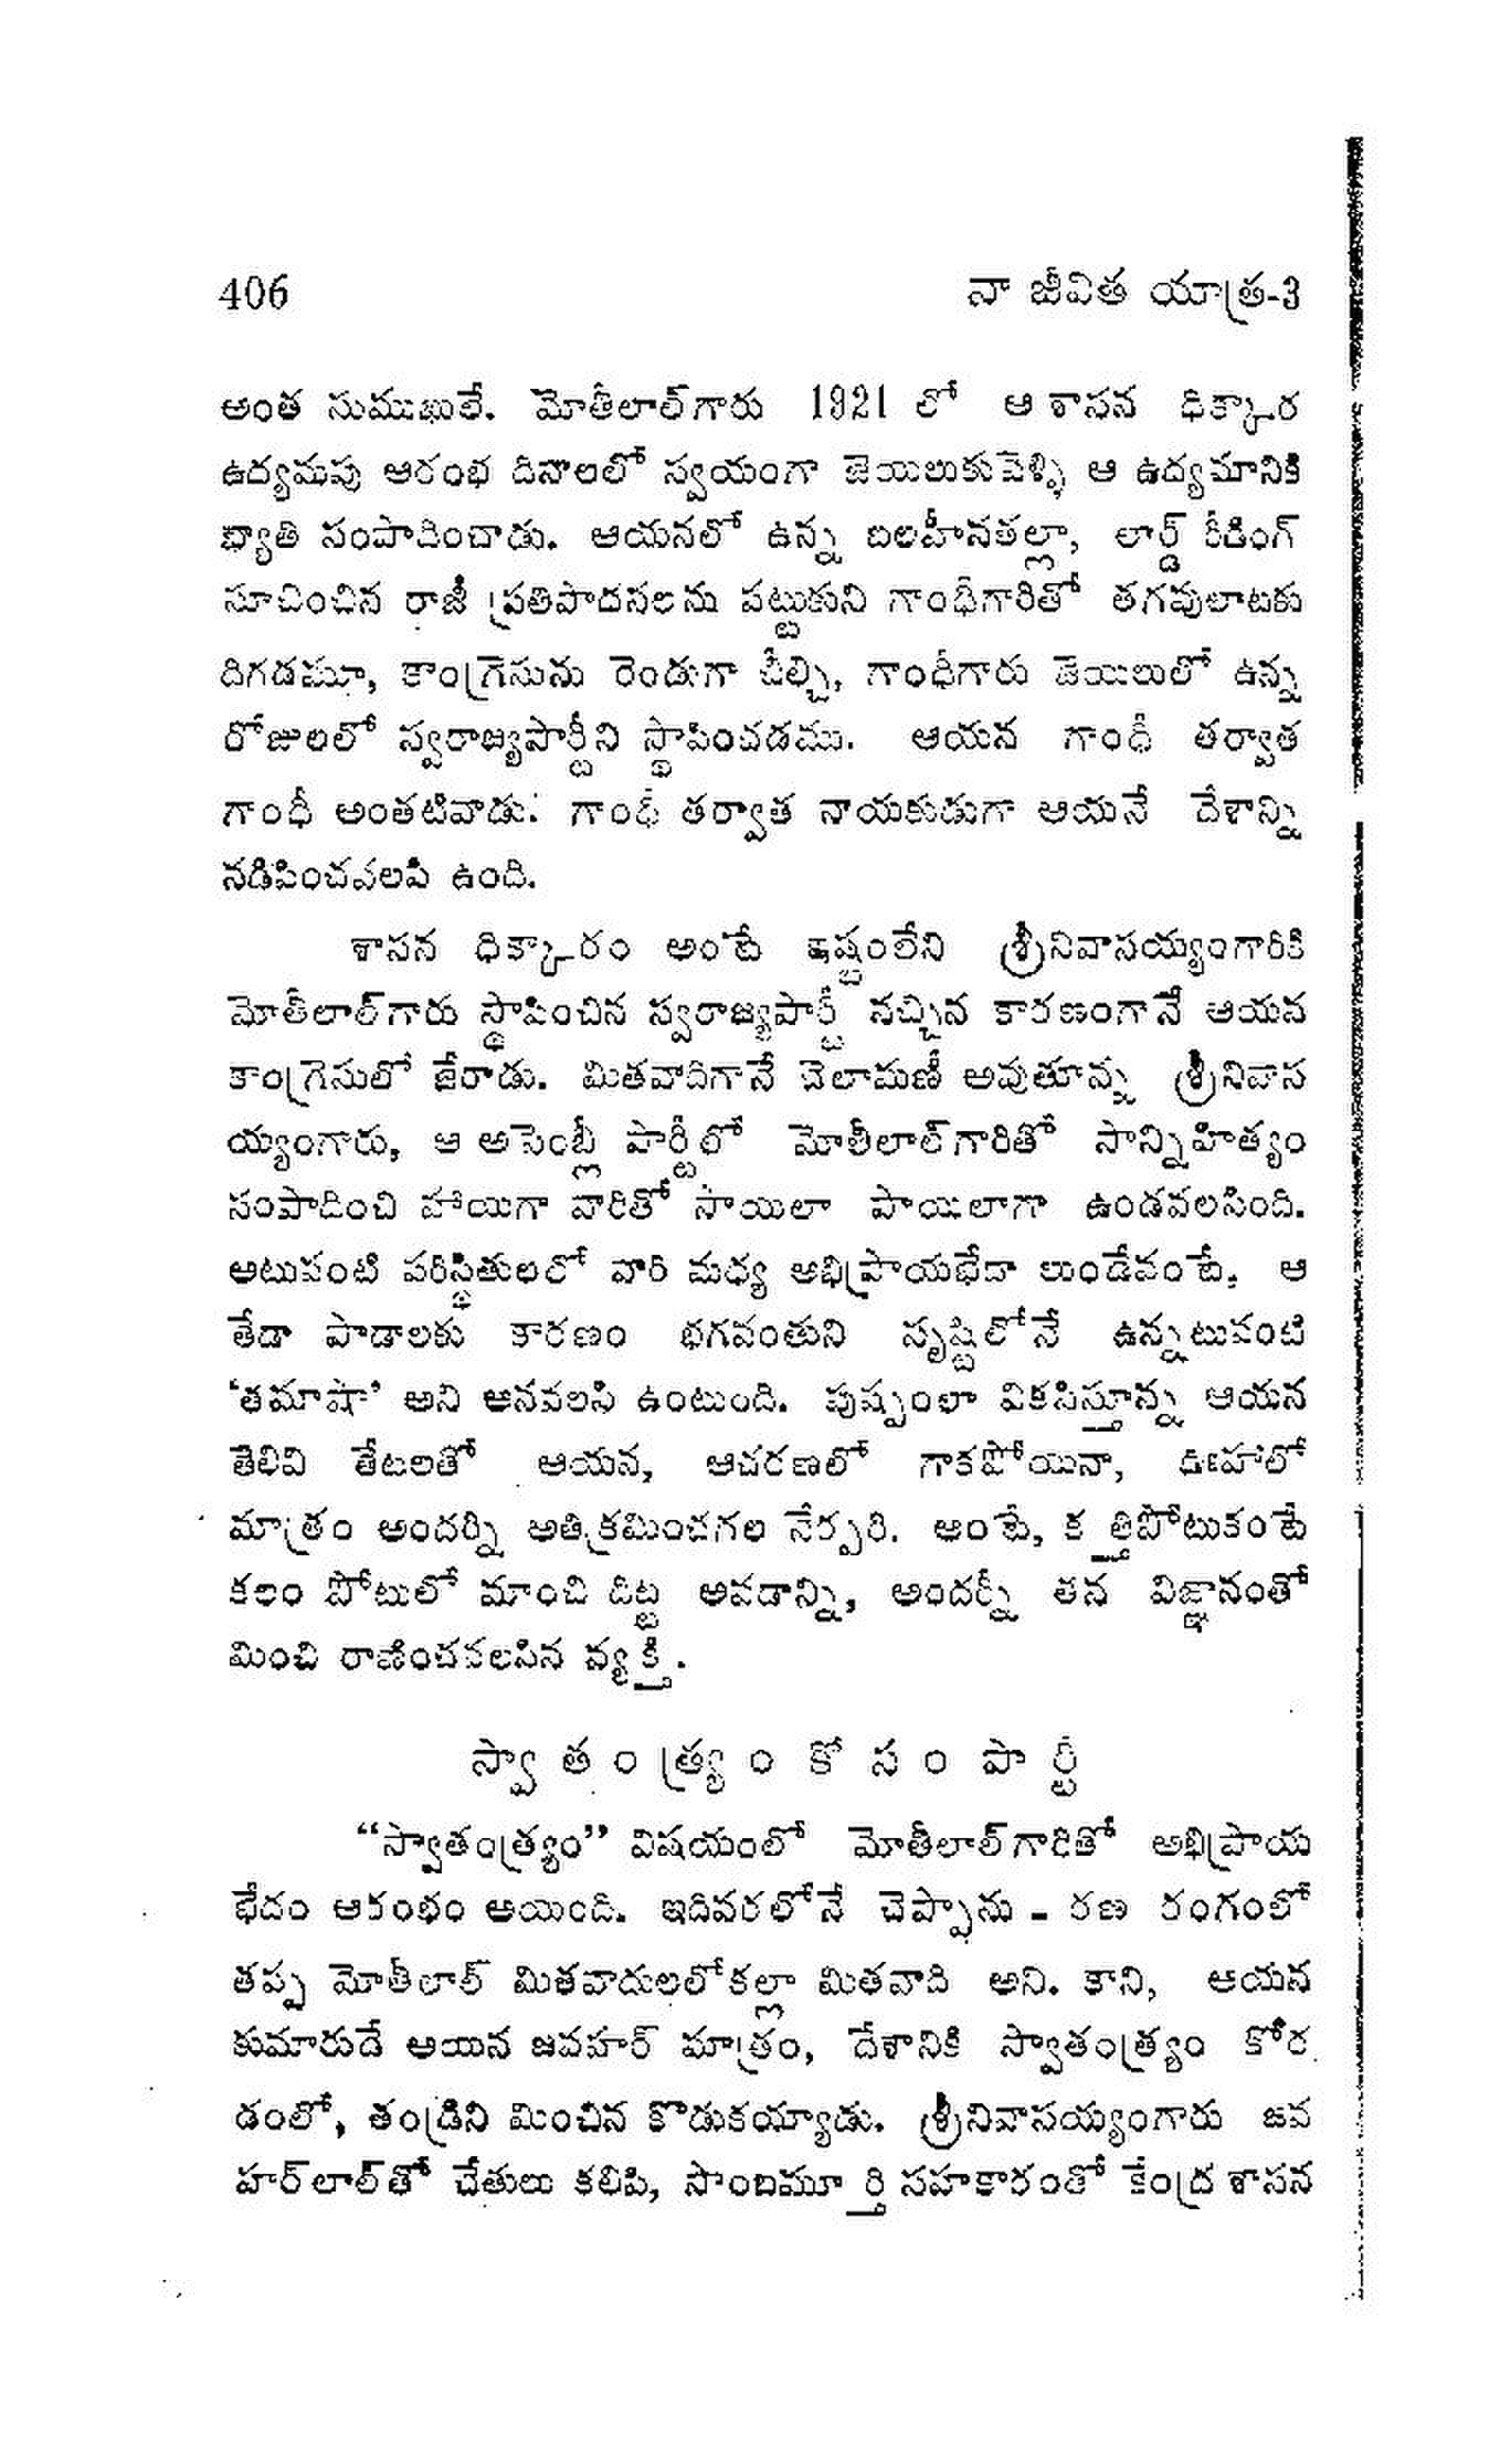అంత సుముఖులే. మోతీలాల్‌గారు 1921 లో ఆ శాసన ధిక్కార ఉద్యమపు ఆరంభ దినాలలో స్వయంగా జెయిలుకువెళ్ళి ఆ ఉద్యమానికి ఖ్యాతి సంపాదించాడు. ఆయనలో ఉన్న బలహీనతల్లా, లార్డ్ రీడింగ్ సూచించిన రాజీ ప్రతిపాదనలను పట్టుకుని గాంధీగారితో తగవులాటకు దిగడమూ, కాంగెసును రెండుగా చీల్చి, గాంధీగారు జెయిలులో ఉన్న రోజులలో స్వరాజ్యపార్టీని స్థాపించడము. ఆయన గాంధీ తర్వాత గాంధీ అంతటివాడు. గాంధీ తర్వాత నాయకుడుగా ఆయనే దేశాన్ని నడిపించవలసి ఉంది.

శాసన ధిక్కారం అంటే ఇష్టంలేని శ్రీనివాసయ్యంగారికి మోతీలాల్‌గారు స్థాపించిన స్వరాజ్యపార్టీ నచ్చిన కారణంగానే ఆయన కాంగ్రెసులో జేరాడు. మితవాదిగానే చెలామణీ అవుతూన్న శ్రీనివాసయ్యంగారు, ఆ అసెంబ్లీ పార్టీలో మోతిలాల్‌గారితో సాన్నిహిత్యం సంపాదించి హాయిగా వారితో సాయిలా సాయిలాగా ఉండవలసింది. అటువంటి పరిస్థితులలో వారి మధ్య అభిప్రాయభేదా లుండేవంటే, ఆ తేడా పాడాలకు కారణం భగవంతుని సృష్టిలోనే ఉన్నటువంటి 'తమాషా' అని అనవలసి ఉంటుంది. పుష్పంలా వికసిస్తూన్న ఆయన తెలివి తేటలతో ఆయన, ఆచరణలో గాకపోయినా, ఊహాలో మాత్రం అందర్ని అతిక్రమించగల నేర్పరి. అంటే, కత్తిపోటుకంటే కలం పోటులో మాంచి దిట్ట అవడాన్ని, అందర్నీ తన విజ్ఞానంతో మించి రాణించవలసిన వ్యక్తి.

"స్వాతంత్ర్యం" విషయంలో మోతీలాల్‌గారితో అభిప్రాయ భేదం ఆరంభం అయింది. ఇదివరలోనే చెప్పాను - రణ రంగంలో తప్ప మోతీలాల్ మితవాదులలోకల్లా మితవాది అని. కాని, ఆయన కుమారుడే అయిన జవహర్ మాత్రం, దేశానికి స్వాతంత్ర్యం కోరడంలో, తండ్రిని మించిన కొడుకయ్యాడు. శ్రీనివాసయ్యంగారు జవహర్‌లాల్‌తో చేతులు కలిపి, సాంబమూర్తి సహకారంతో కేంద్ర శాసన